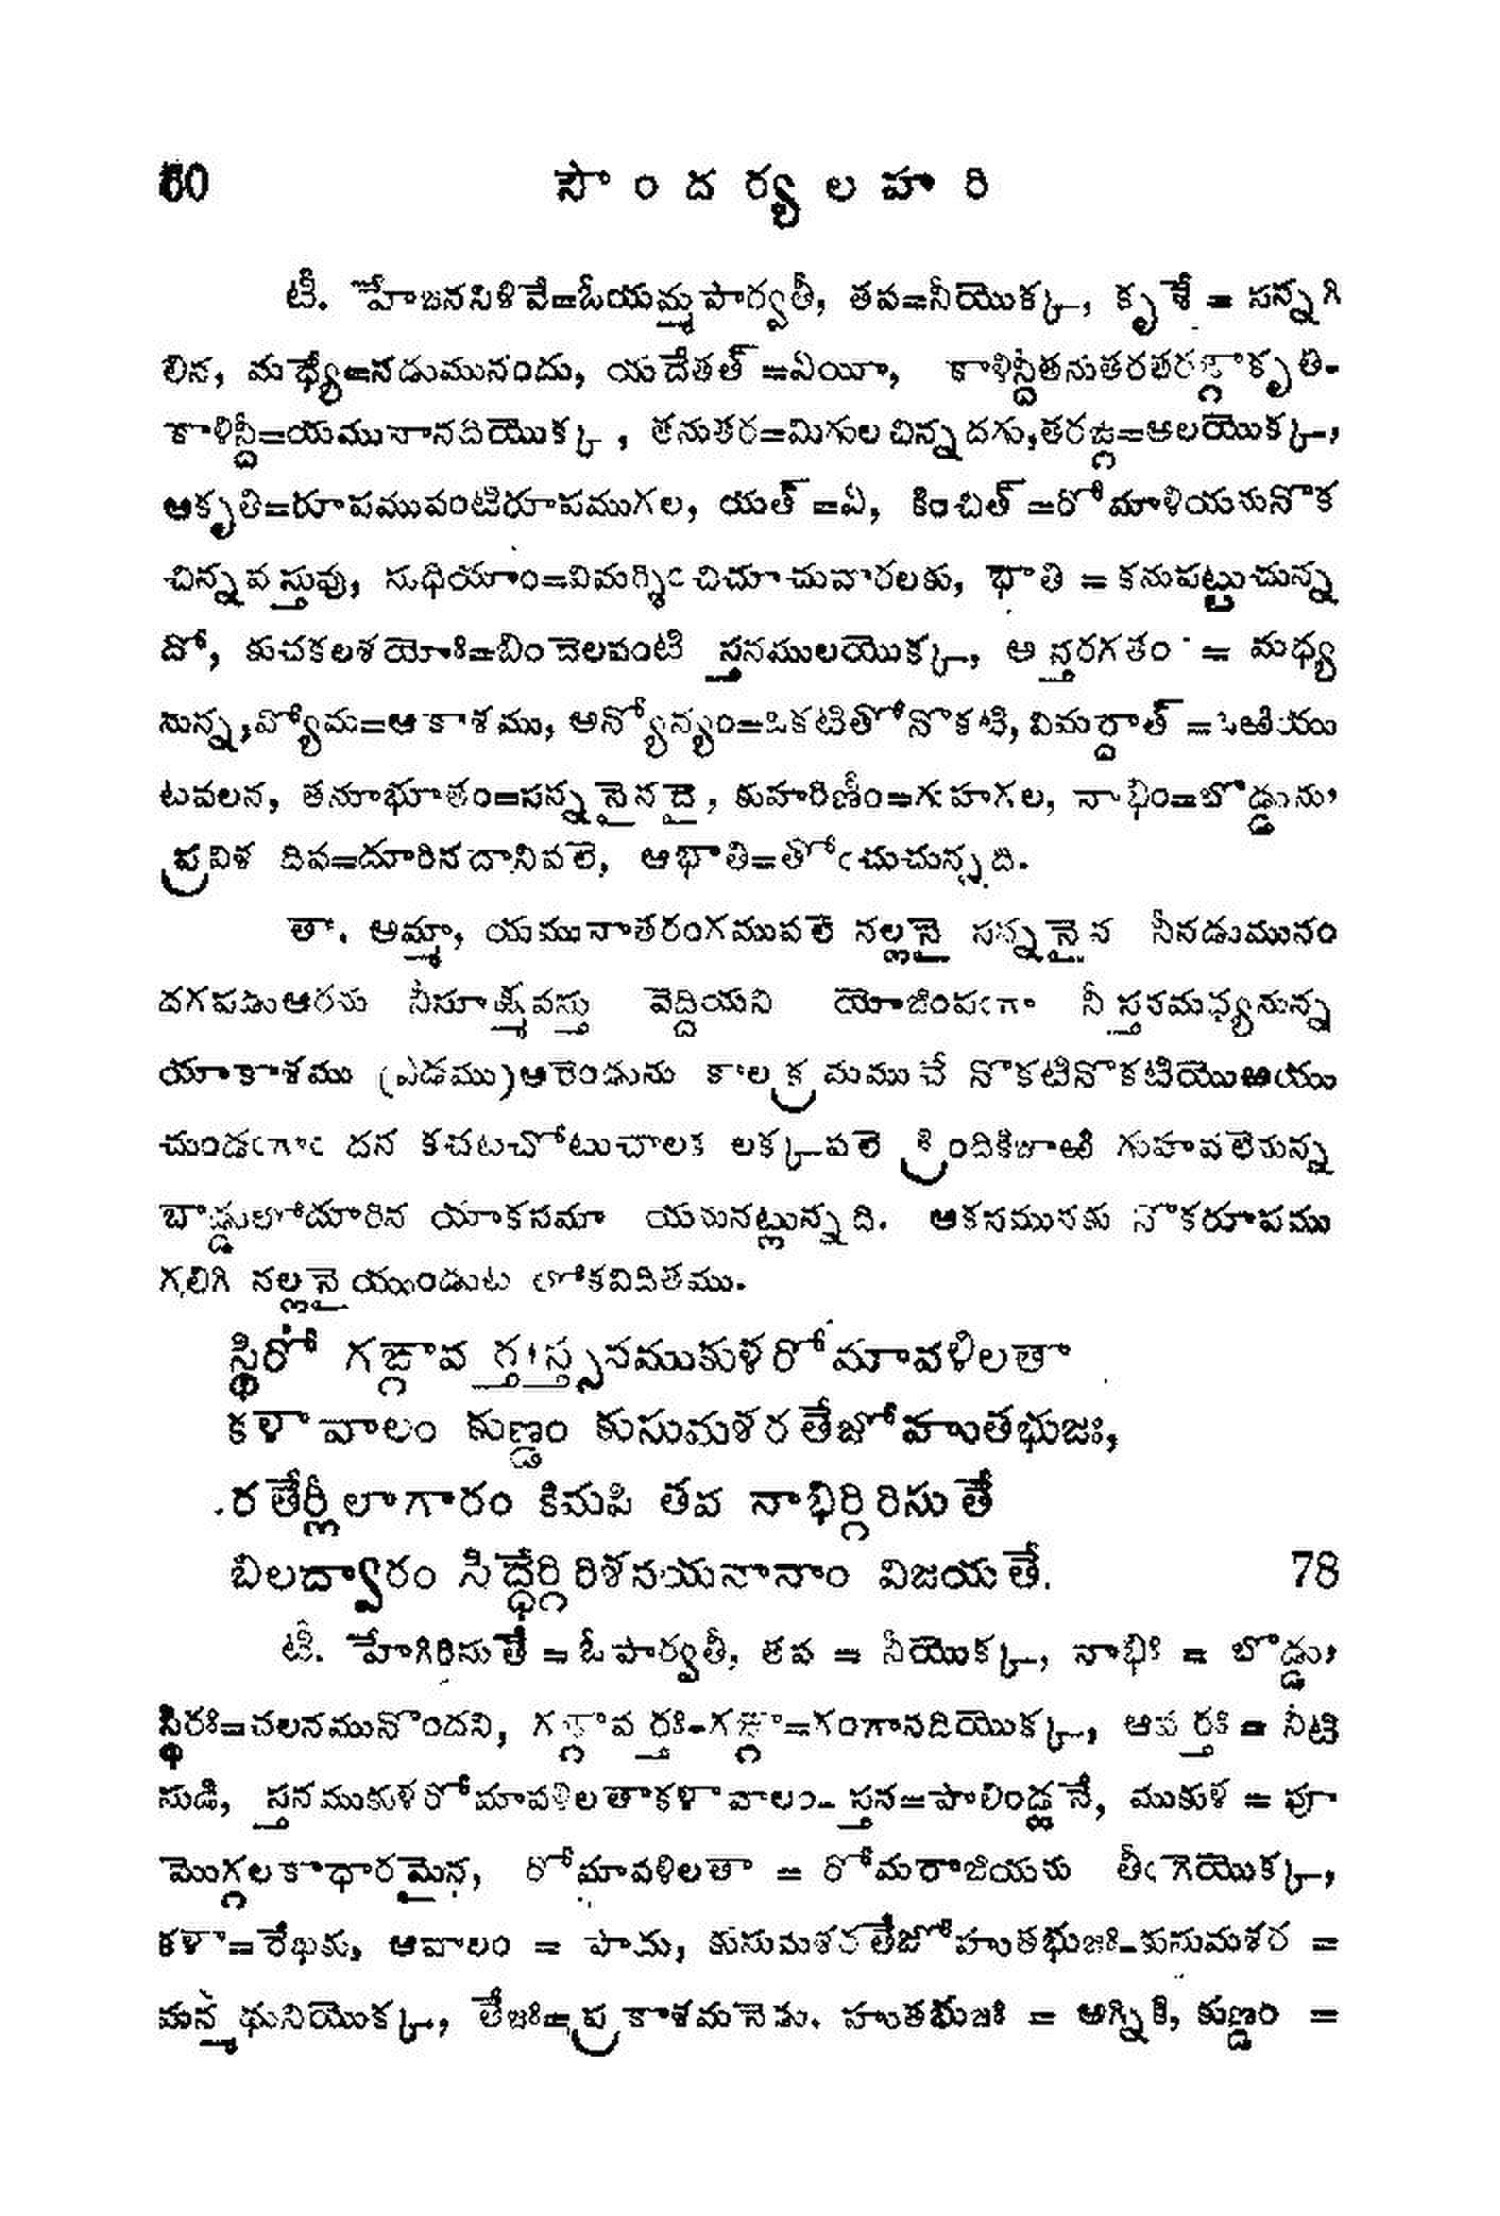టీ. హేజననిశివే = ఓయమ్మపార్వతీ, తవ = నీయొక్క, కృశే = సన్నగిలిన, మధ్యే = నడుమునందు, యదేతత్ = ఏయీ, కాళిన్దీతనుతరతరఙ్గాకృతి-కాళిన్దీ = యమునానదియొక్క, తనుతర = మిగులచిన్నదగు, తరఙ్గ = అలయొక్క, ఆకృతి = రూపమువంటిరూపముగల, యత్ = ఏ, కించిత్ = రోమాళియనునొక చిన్నవస్తువు, సుధియాం = విమర్శించిచూచువారలకు, భాతి = కనుపట్టుచున్నదో, కుచకలశయోః = బిందెలవంటి స్తనములయొక్క, అన్తరగతం = మధ్యనున్న, వ్యోమ = ఆకాశము, అన్యోన్యం = ఒకటితోనొకటి, విమర్దాత్ = ఒఱియుటవలన, తనూభూతం = సన్ననైనదై, కుహరిణీం = గుహగల, నాభిం = బొడ్డును, ప్రవిశ దివ = దూరినదానివలె, ఆభాతి = తోఁచుచున్నది.

తా. అమ్మా, యమునాతరంగమువలె నల్లనై సన్ననైన నీనడుమునందగపడుఆరను నీసూక్ష్మవస్తు వెద్దియని యోజింపఁగా నీస్తనమధ్యనున్న యాకాశము (ఎడము) ఆరెండును కాలక్రమముచే నొకటినొకటియొఱయుచుండఁగాఁ దన కచటచోటుచాలక లక్కవలె క్రిందికిజాఱి గుహవలెనున్న బొడ్డులోదూరిన యాకసమా యనునట్లున్నది. ఆకసమునకు నొకరూపము గలిగి నల్లనై యుండుట లోకవిదితము.

స్థిరో గఙ్గావర్తస్స్తనముకుళరోమావళిలతా
కళావాలం కుణ్డం కుసుమశరతేజోహుతభుజః,
రతేర్లీలాగారం కిమపి తవ నాభిర్గిరిసుతే
బిలద్వారం సిద్ధేర్గిరిశనయనానాం విజయతే. 78
టీ. హేగిరిసుతే = ఓపార్వతీ, తవ = నీయొక్క, నాభిః = బొడ్డు, స్థిరః = చలనమునొందని, గఙ్గావర్తః-గఙ్గా = గంగానదియొక్క, ఆవర్తః = నీటి సుడి, స్తనముకుళరోమావళిలతాకళావాలం-స్తన = పాలిండ్లనే, ముకుళ = పూమొగ్గలకాధారమైన, రోమావళిలతా = రోమరాజియను తీఁగెయొక్క, కళా = రేఖకు, ఆవాలం = పాదు, కుసుమశరతేజోహుతభుకః-కుసుమశర = మన్మథునియొక్క, తేజః = ప్రకాశమనెడు, హుతభుజః =అగ్నికి, కుణ్డం =